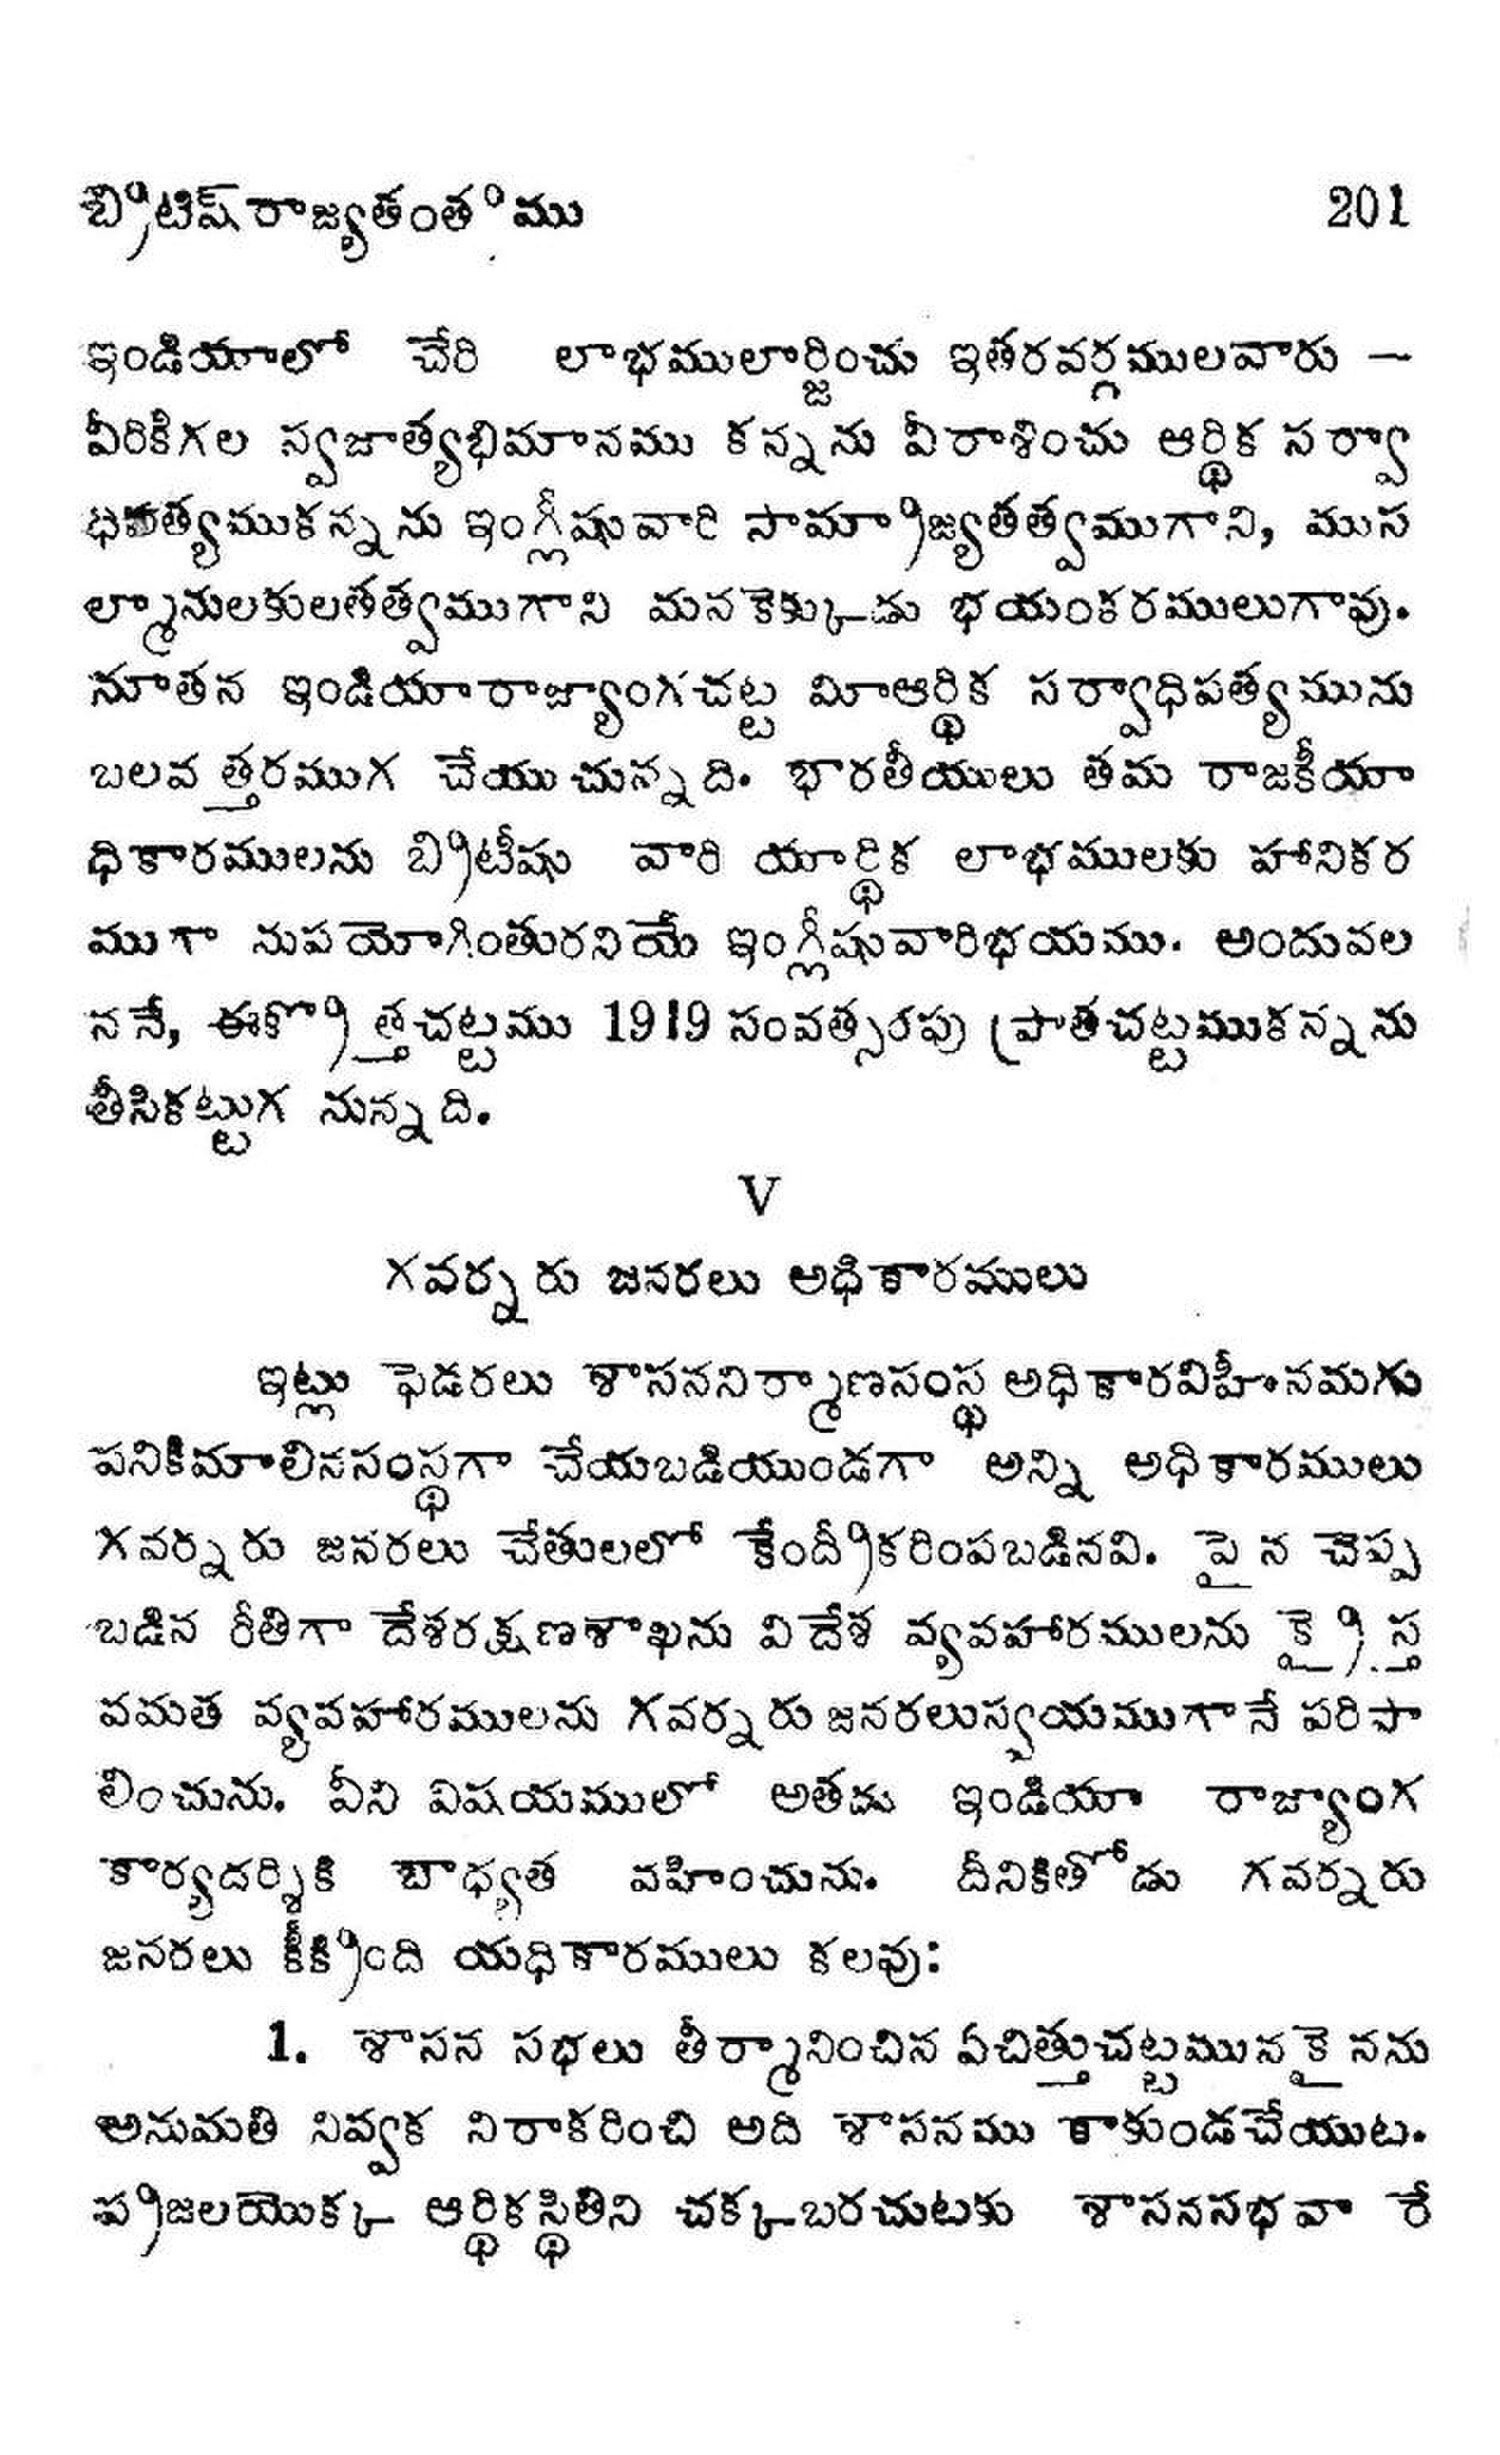ఇండియాలో చేరి లాభములార్జించు ఇతరవర్గములవారు - వీరికిగల స్వజాత్యభిమానము కన్నను వీరాశించు ఆర్థిక సర్వాధిపత్యముకన్నను ఇంగ్లీషువారి సామ్రాజ్యతత్వముగాని, ముసల్మానులకులతత్వముగాని మనకెక్కుడు భయంకరములుగావు. నూతన ఇండియారాజ్యాంగచట్ట మీఆర్థిక సర్వాధిపత్యమును బలవత్తరముగ చేయుచున్నది. భారతీయులు తమ రాజకీయాధికారములను బ్రిటీషు వారి యార్థిక లాభములకు హానికరముగా నుపయోగింతురనియే ఇంగ్లీషువారిభయము. అందువలననే, ఈక్రొత్తచట్టము 1919 సంవత్సరపు ప్రాతచట్టముకన్నను తీసికట్టుగ నున్నది.

V
గవర్నరు జనరలు అధికారములు 

ఇట్లు ఫెడరలు శాసననిర్మాణసంస్థ అధికారవిహీనమగు పనికిమాలినసంస్థగా చేయబడియుండగా అన్ని అధికారములు గవర్నరు జనరలు చేతులలో కేంద్రీకరింపబడినవి. పైన చెప్పబడిన రీతిగా దేశరక్షణశాఖను విదేశ వ్యవహారములను క్రైస్తవమత వ్యవహారములను గవర్నరు జనరలు స్వయముగానే పరిపాలించును. వీని విషయములో అతడు ఇండియా రాజ్యాంగ కార్యదర్శికి బాధ్యత వహించును. దీనికితోడు గవర్నరు జనరలు కీక్రింది యధికారములు కలవు:

1. శాసన సభలు తీర్మానించిన ఏచిత్తుచట్టమునకైనను అనుమతి నివ్వక నిరాకరించి అది శాసనము కాకుండచేయుట. ప్రజలయొక్క ఆర్థికస్థితిని చక్కబరచుటకు శాసనసభవా రే